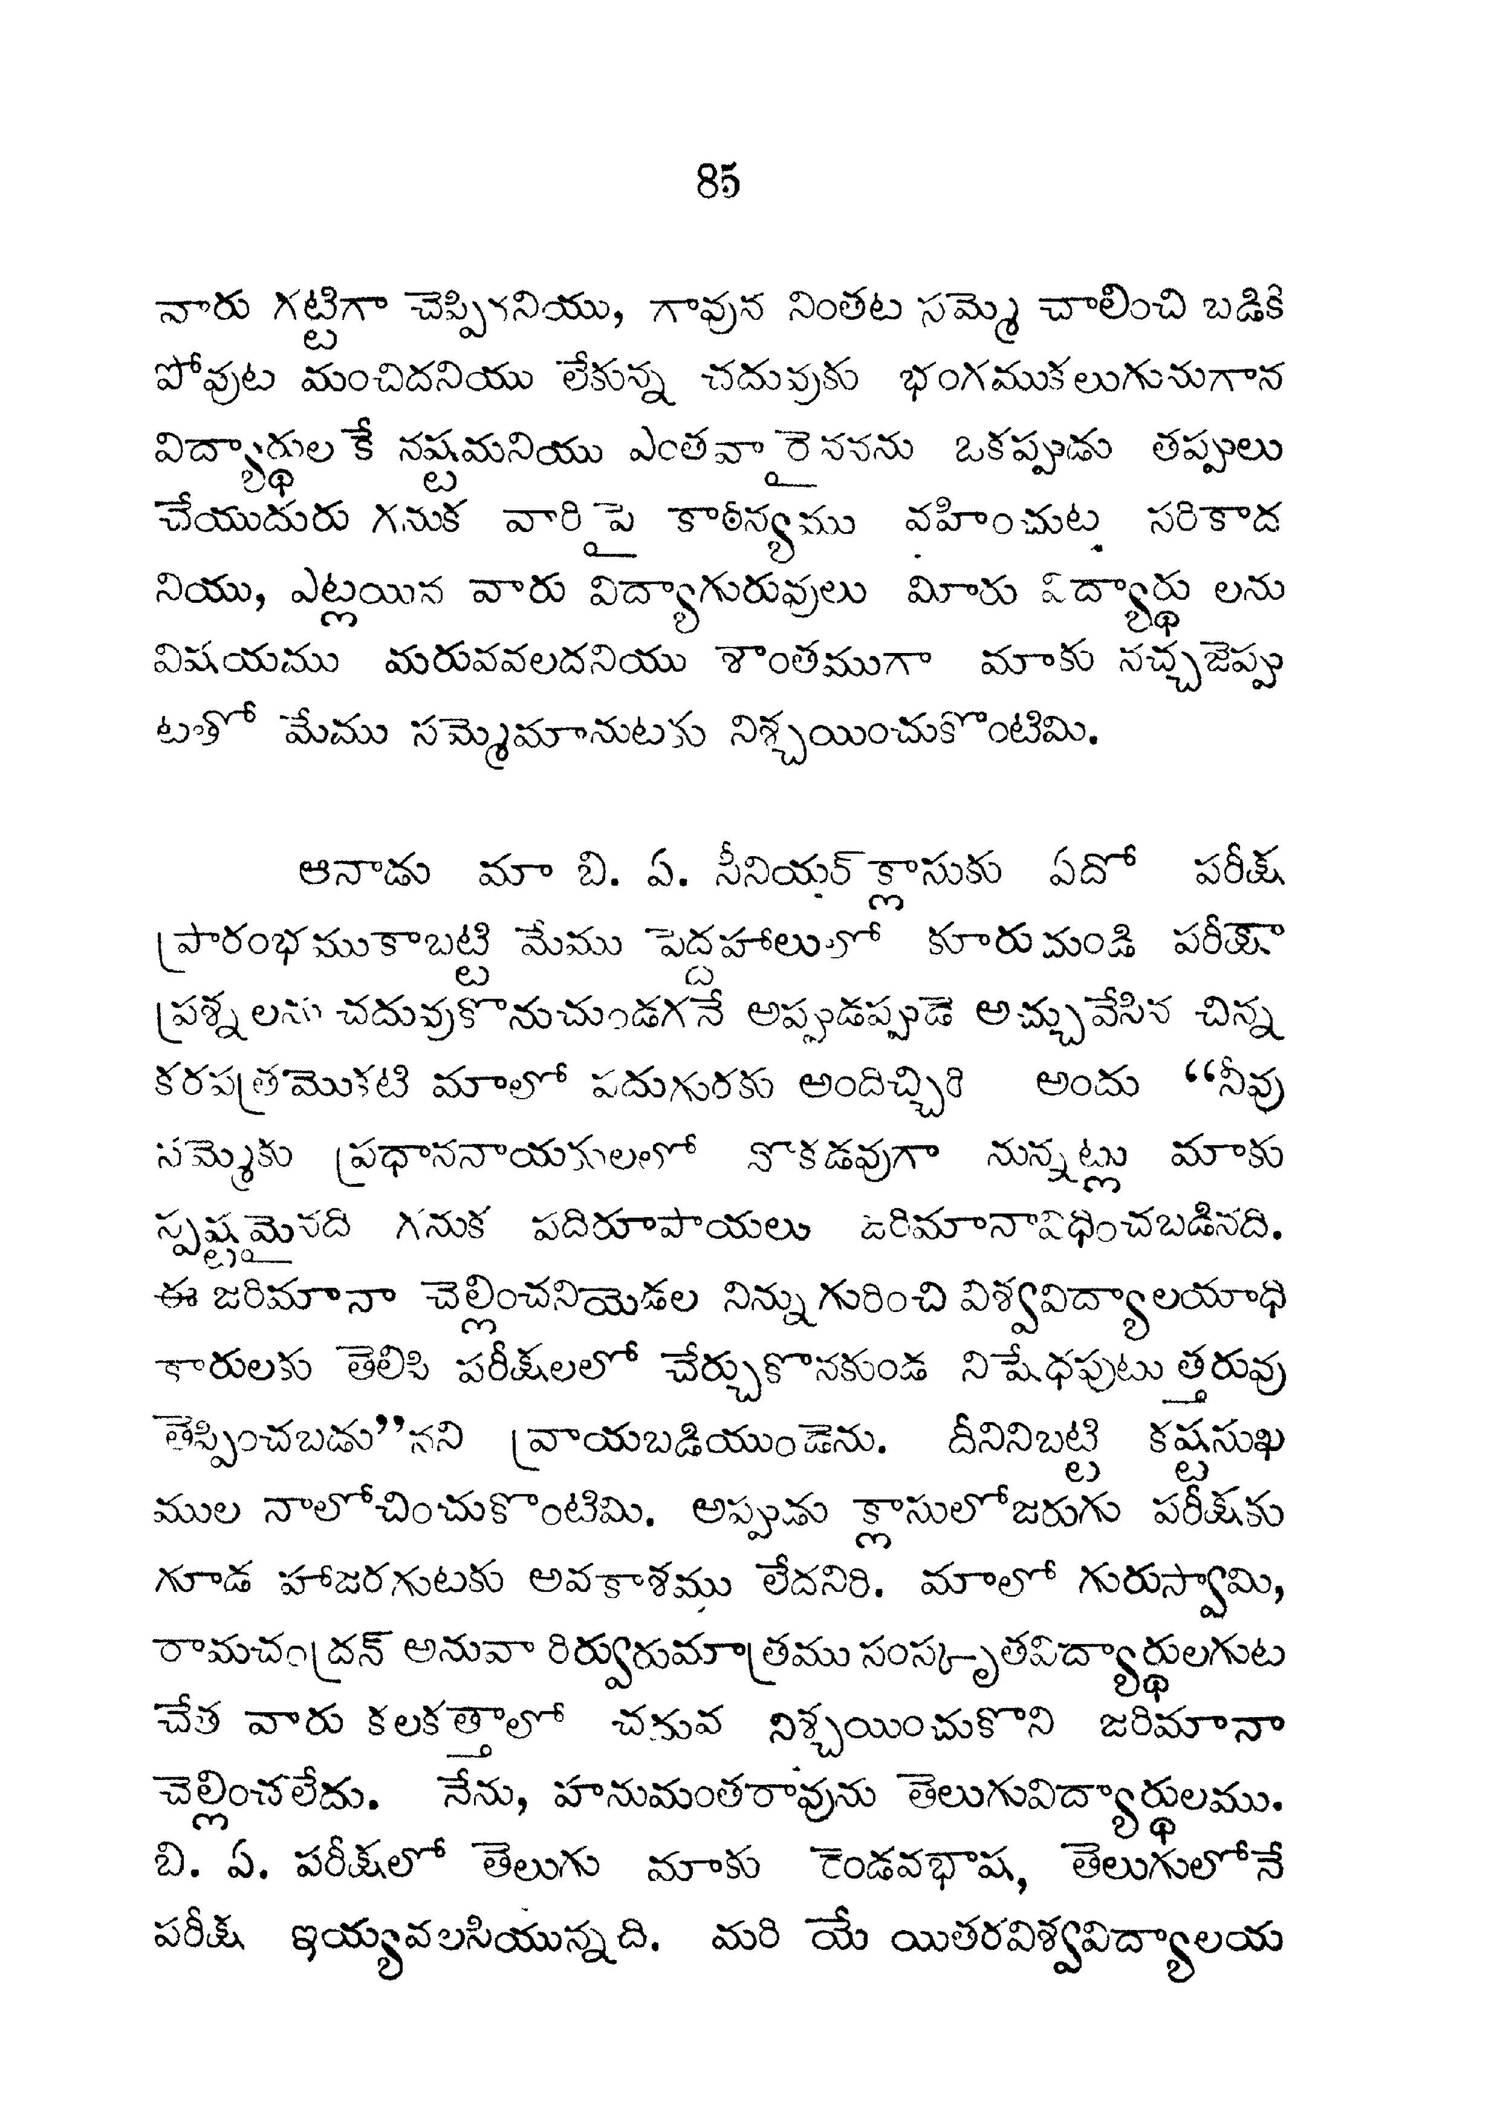వారు గట్టిగా చెప్పిరనియు, గావున నింతట సమ్మె చాలించి బడికి పోవుట మంచిదనియు లేకున్న చదువుకు భంగముకలుగునుగాన విద్యార్థులకే నష్టమనియు ఎంతవారైననను ఒకప్పుడు తప్పులు చేయుదురు గనుక వారిపై కాఠిన్యము వహించుట సరికాదనియు, ఎట్లయిన వారు విద్యాగురువులు మీరు విద్యార్థు లను విషయము మరువవలదనియు శాంతముగా మాకు నచ్చజెప్పుటతో మేము సమ్మెమానుటకు నిశ్చయించుకొంటిమి.

ఆనాడు మా బి. ఏ. సీనియర్‌క్లాసుకు ఏదో పరీక్ష ప్రారంభముకాబట్టి మేము పెద్దహాలులో కూరుచుండి పరీక్షా ప్రశ్నలను చదువుకొనుచుండగనే అప్పుడప్పుడె అచ్చువేసిన చినకరపత్రమొకటి మాలో పదుగురకు అందిచ్చిరి. అందు "నీవు సమ్మెకు ప్రధాననాయకులలో నొకడవుగా నున్నట్లు మాకు స్పష్టమైనది గనుక పదిరూపాయలు జరిమానావిధించబడినది. ఈజరిమానా చెల్లించనియెడల నిన్నుగురించి విశ్వవిద్యాలయాధికారులకు తెలిపి పరీక్షలలో చేర్చుకొనకుండ నిషేధపుటుత్తరువు తెప్పించబడు"నని వ్రాయబడియుండెను. దీనినిబట్టి కష్టసుఖముల నాలోచించుకొంటిమి. అప్పుడు క్లాసులోజరుగు పరీక్షకు గూడ హాజరగుటకు అవకాశము లేదనిరి. మాలో గురుస్వామి, రామచంద్రన్ అనువా రిర్వురుమాత్రము సంస్కృతవిద్యార్థులగుటచేత వారు కలకత్తాలో చదువ నిశ్చయించుకొని జరిమానా చెల్లించలేదు. నేను, హనుమంతరావును తెలుగువిద్యార్థులము. బి. ఏ. పరీక్షలో తెలుగు మాకు రెండవభాష, తెలుగులోనే పరీక్ష ఇయ్యవలసియున్నది. మరి యే యితరవిశ్వవిద్యాలయ